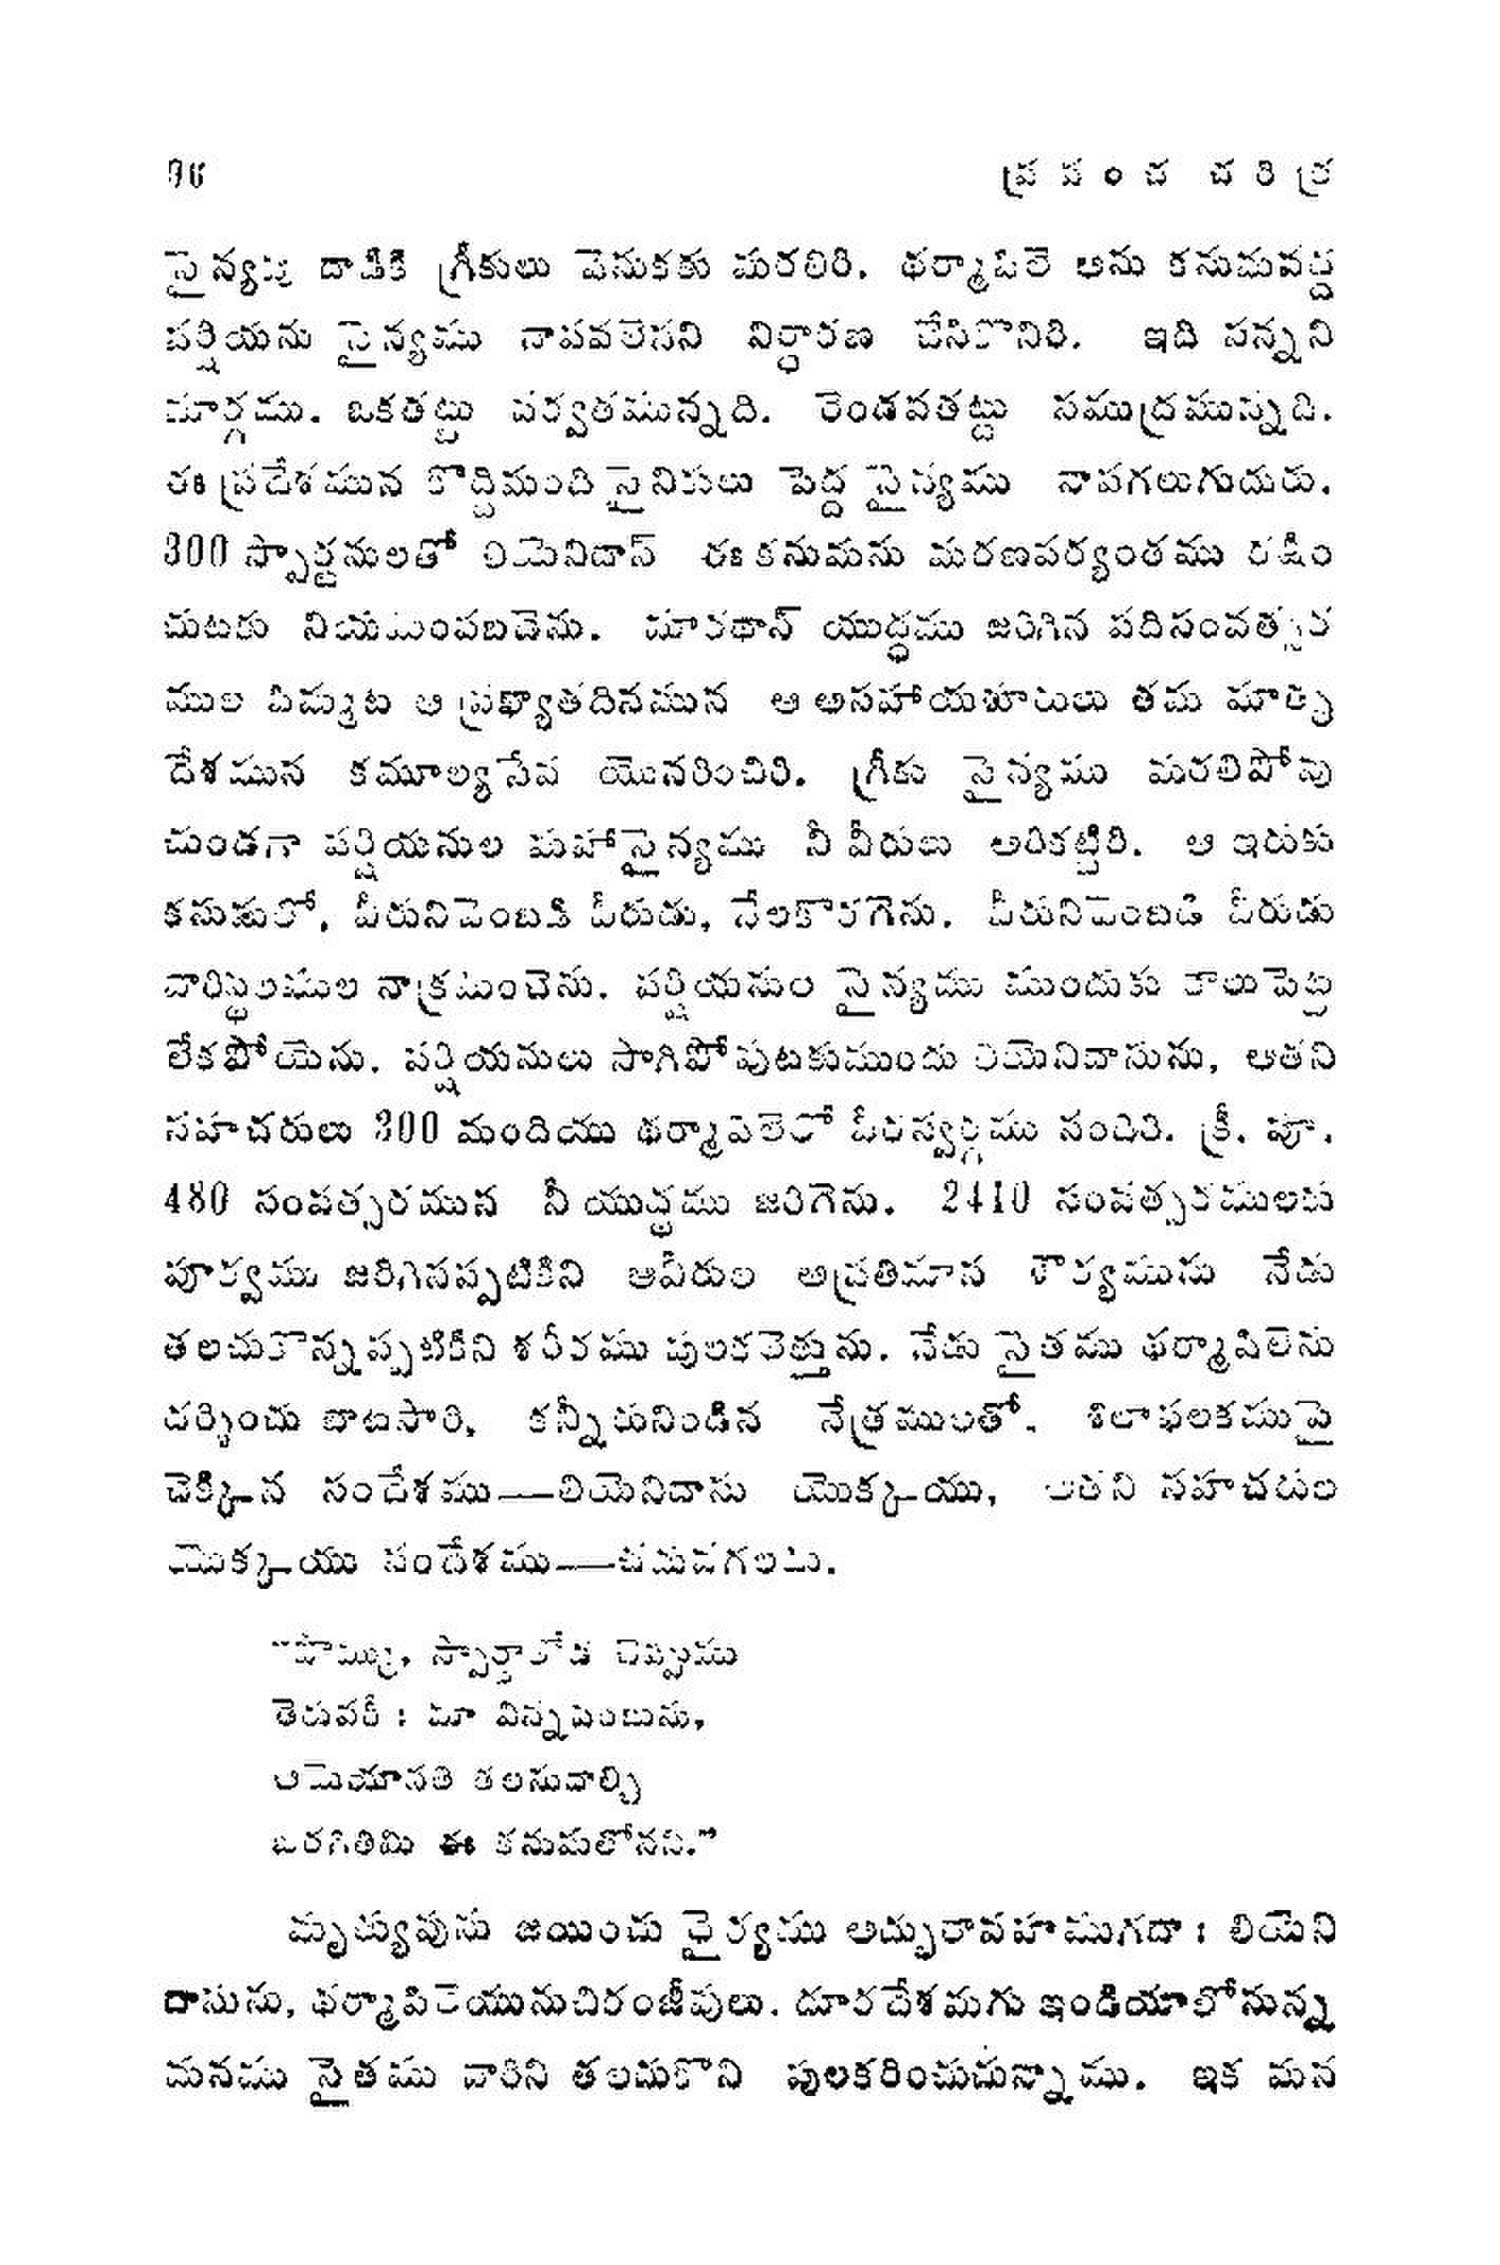సైన్యపు దాడికి గ్రీకులు వెనుకకు మరలిరి. థర్మాపిలె అను కనుమవద్ద పర్షియను సైన్యము నాపవలెనని నిర్ధారణ చేసికొనిరి. ఇది సన్నని మార్గము. ఒకతట్టు పర్వతమున్నది. రెండవతట్టు సముద్రమున్నది. ఈ ప్రదేశమున కొద్దిమంది సైనికులు పెద్ద సైన్యము నాపగలుగుదురు. 300 స్పార్టనులతో లియెనిదాస్ ఈ కనుమను మరణపర్యంతము రక్షించుటకు నియమింపబడెను. మారథాన్ యుద్ధము జరిగిన పదిసంవత్సరముల పిమ్మట ఆ ప్రఖ్యాతదినమున ఆ అసహాయశూరులు తమ మాతృదేశమున కమూల్యసేవ యొనరించిరి. గ్రీకు సైన్యము మరలిపోవుచుండగా పర్షియనుల మహాసైన్యము నీ వీరులు అరికట్టిరి. ఆ ఇరుకు కనుమలో, వీరుని వెంబడి వీరుడు, నేలకొరిగెను. వీరునివెంబడి వీరుడు వారిస్థలముల నాక్రమించెను. పర్షియనుల సైన్యము ముందుకు కాలుపెట్ట లేకపోయేను. పర్షియనులు సాగిపోవుటకుముందు లియెనిదాసును, అతని సహచరులు 300 మందియు థర్మాపిలెలో వీరస్వర్గము నందిరి.. క్రీ. పూ. 480 సంవత్సరమున నీ యుద్ధము జరిగెను. 24 10 సంవత్సరములకు పూర్వము జరిగినప్పటికిని ఆవీరుల అప్రతిమాన శౌక్యమును నేడు తలచుకొన్నప్పటికిని శరీరము పులకలెత్తును. నేడు సైతము ధర్మాపిలెను దర్శించు బాటసారి, కన్నీరునిండిన నేత్రములతో, శిలాఫలకముపై చెక్కిన సందేశము - లియెనిదాసు యొక్కయు, అతని సహచరుల యొక్కయు సందేశము - చదువగలడు.

“పొమ్ము, స్పార్టాతోడ చెప్పుము
 తెరుపరీ : మా విన్నపంబును,
 ఆమెయానతి తలనువాల్చి
 బరిగితిమి ఈ కనుమలోనని."
మృత్యువును జయించు ధైర్యము అద్భుతావహముగదా ! లియెనిదాసును, థర్మాపిలెయును చిరంజీవులు. దూరదేశమగు ఇండియాలోనున్న మనము సైతము వారిని తలచుకొని పులకరించుచున్నాము. ఇక మన